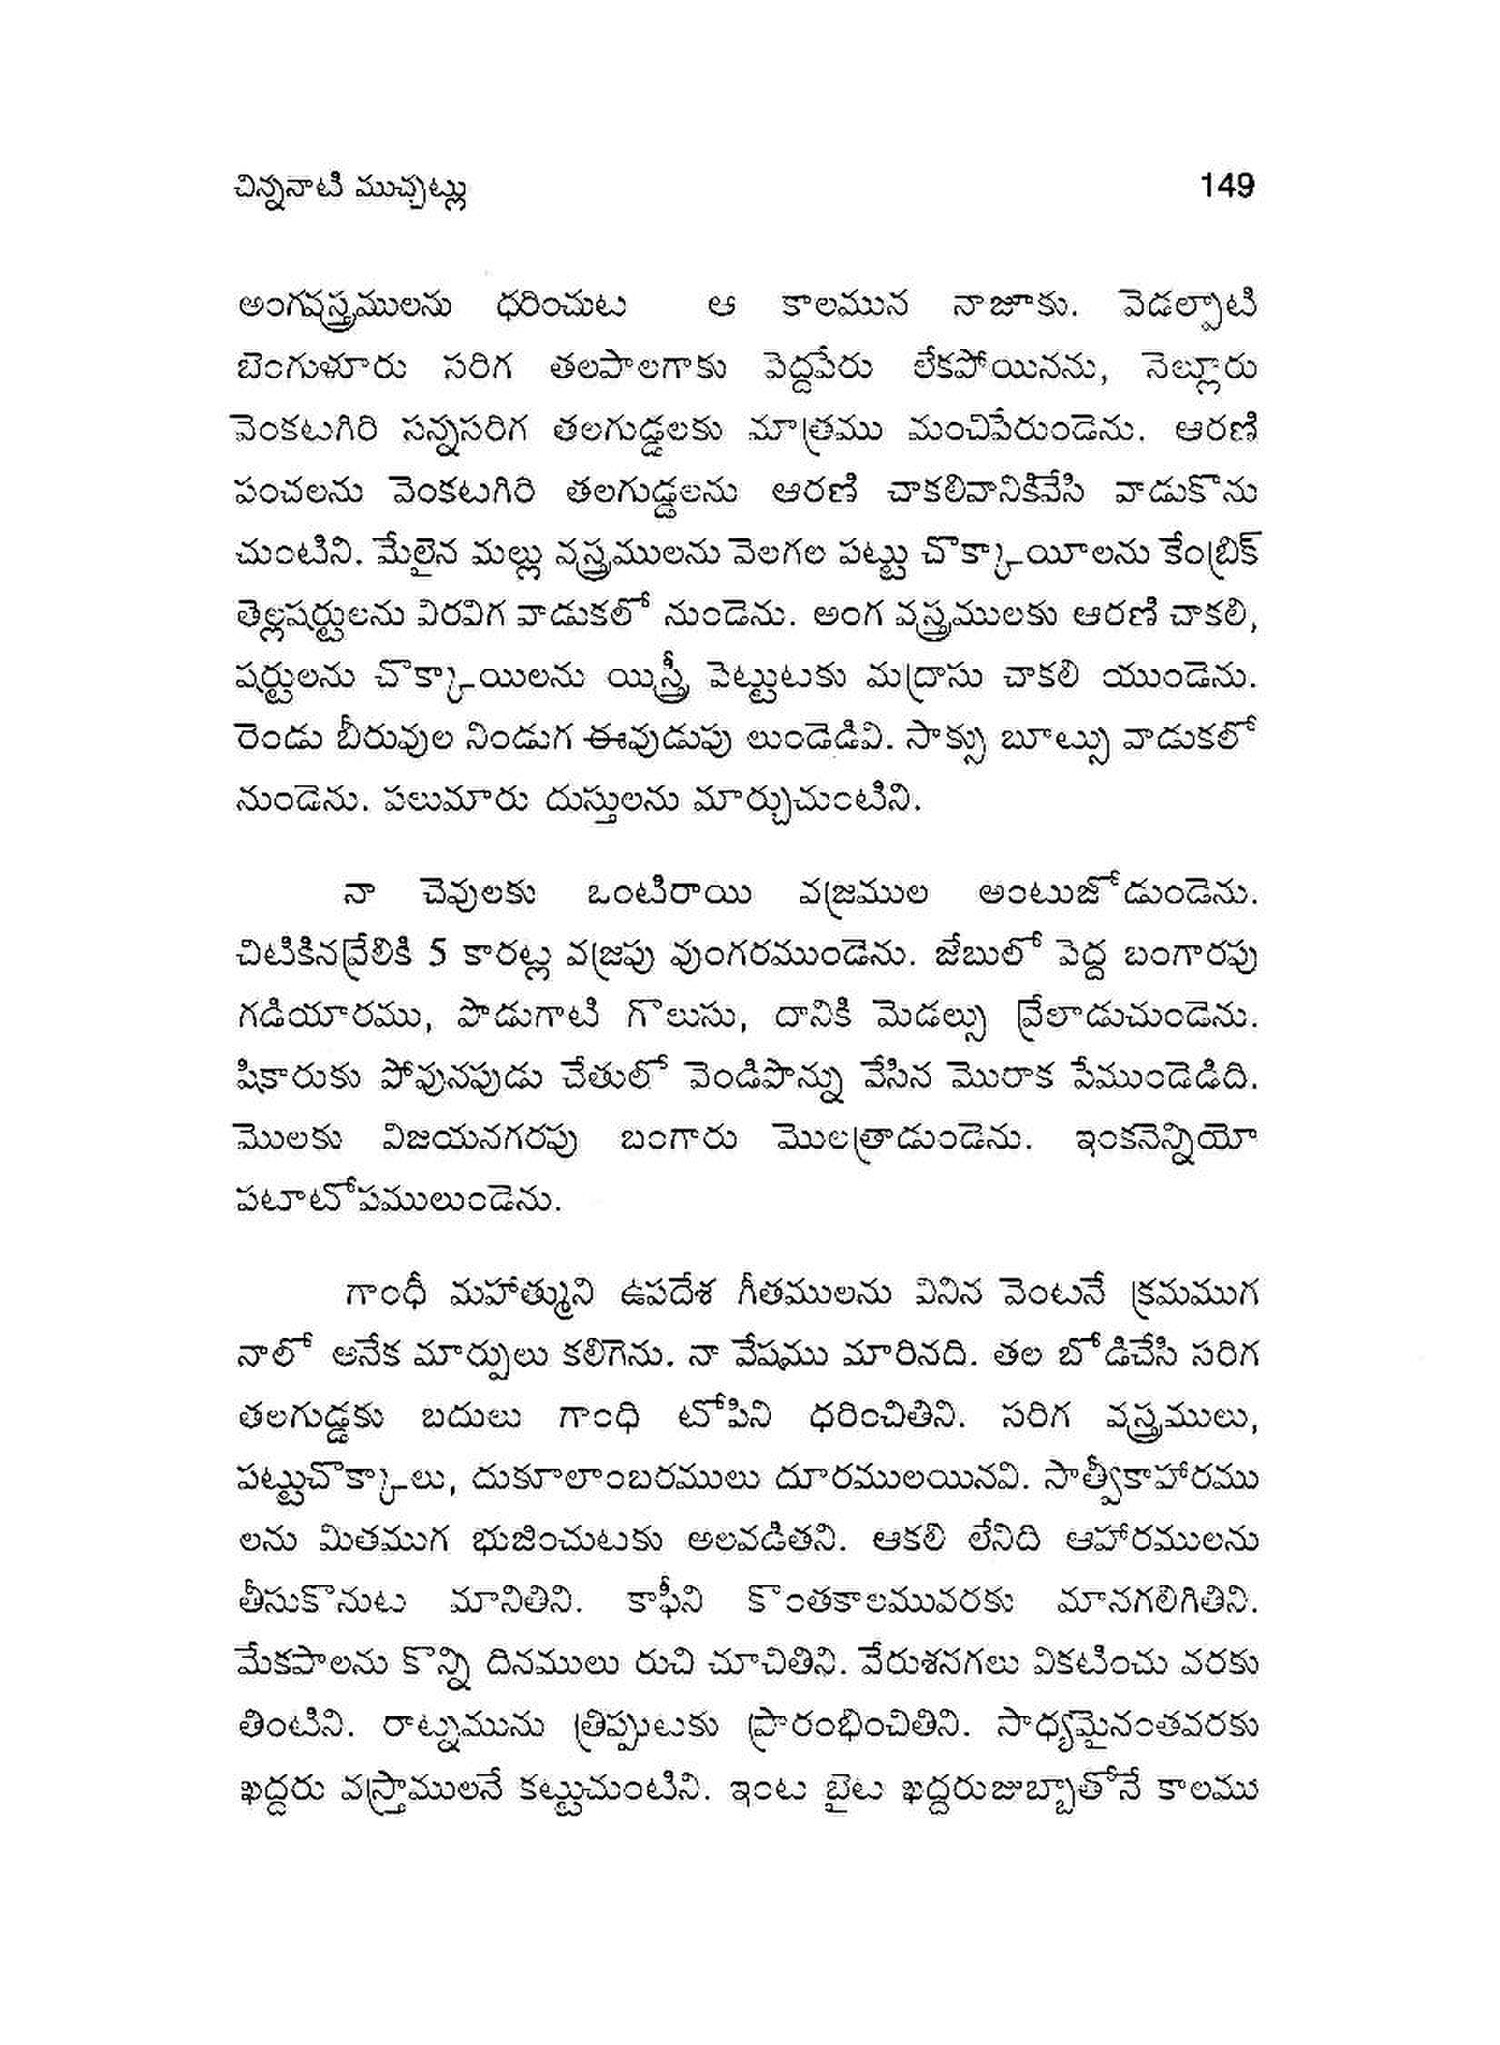అంగవస్త్రములను ధరించుట ఆ కాలమున నాజూకు. వెడల్పాటి బెంగుళూరు సరిగ తలపాలగాకు పెద్దపేరు లేకపోయినను, నెల్లూరు వెంకటగిరి సన్నసరిగ తలగుడ్డలకు మాత్రము మంచిపేరుండెను. ఆరణి పంచలను వెంకటగిరి తలగుడ్డలను ఆరణి చాకలివానికివేసి వాడుకొనుచుంటిని. మేలైన మల్లు వస్త్రములను వెలగల పట్టు చొక్కాయీలను కేంబ్రిక్ తెల్లషర్టులను విరవిగ వాడుకలో నుండెను. అంగవస్త్రములకు ఆరణి చాకలి, షర్టులను చొక్కాయిలను యిస్త్రీ పెట్టుటకు మద్రాసు చాకలి యుండెను. రెండు బీరువుల నిండుగ ఈవుడుపు లుండెడివి. సాక్సు బూటు వాడుకలో నుండెను. పలుమారు దుస్తులను మార్చుచుంటిని.

నా చెవులకు ఒంటిరాయి వజ్రముల అంటుజోడుండెను. చిటికినవ్రేలికి 5 కారట్ల వజ్రపు వుంగరముండెను. జేబులో పెద్ద బంగారపు గడియారము, పొడుగాటి గొలుసు, దానికి మెడల్పు వ్రేలాడుచుండెను. పికారుకు పోవునపుడు చేతులో వెండిపొన్ను వేసిన మొరాక పేముండెడిది. మొలకు విజయనగరపు బంగారు మొలత్రాడుండెను. ఇంకనెన్నియో పటాటోపములుండెను.

గాంధీ మహాత్ముని ఉపదేశ గీతములను వినిన వెంటనే క్రమముగ నాలో అనేక మార్పులు కలిగెను. నా వేషము మారినది. తల బోడిచేసి సరిగ తలగుడ్డకు బదులు గాంధి టోపిని ధరించితిని. సరిగ వస్త్రములు, పట్టుచొక్కాలు, దుకూలాంబరములు దూరములయినవి. సాత్వీకాహారము లను మితముగ భుజించుటకు అలవడితని. ఆకలి లేనిది ఆహారములను తీసుకొనుట మానితిని. కాఫీని కొంతకాలమువరకు మానగలిగితిని. మేకపాలను కొన్ని దినములు రుచి చూచితిని. వేరుశనగలు వికటించు వరకు తింటిని. రాట్నమును త్రిప్పుటకు ప్రారంభించితిని. సాధ్యమైనంతవరకు ఖద్దరు వస్తాములనే కట్టుచుంటిని. ఇంట బైట ఖద్దరుజుబ్బాతోనే కాలము